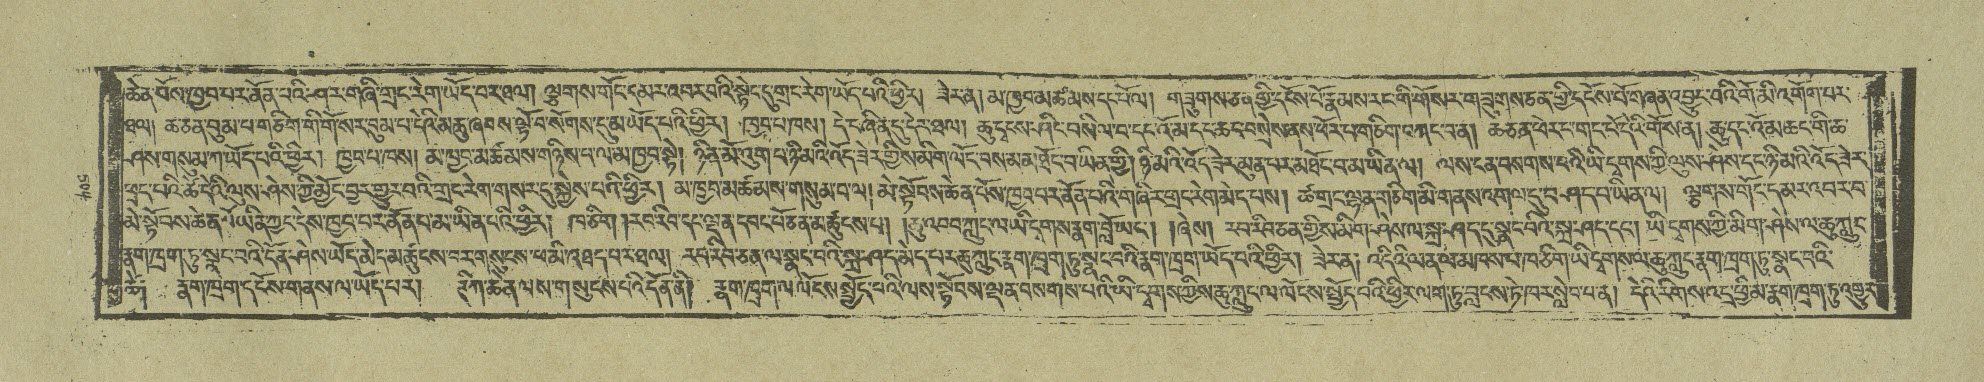ཆེན་པོས་ཁྱབ་པར་ནོན་པའི་ཤར་གཞི་གྲང་རེག་ཡོད་པ་ཐལ། ལྕགས་གོང་དམར་འབར་བའི་སྟེང་དུ་གྲང་རེག་ཡོད་པའི་ཕྱིར། ཟེར་ན། མ་ཁྱབ་མཚམས་དང་པོ་ལ། གཟུགས་ཅན་གྱི་དངོས་པོ་རྣམས་རང་གི་གོ་སར་གཟུགས་ཅན་གྱི་དངོས་པོ་གཞན་འབྱུང་བའི་གོ་མི་འགོག་པར་
ཐལ། ཆ་ཅན་བུམ་པ་གཅིག་གི་གོ་སར་བུམ་པ་དེའི་མཆུ་ཞབས་ལྟོ་བ་སོགས་དུ་མ་ཡོད་པའི་ཕྱིར། ཁྱབ་པ་ཁས། དེ་བཞིན་དུ་དེར་ཐལ། ཆུ་དྭངས་ཤིང་བསིལ་བ་དང་འོ་མ་དང་ཆང་བསྲེས་ནས་ཕོར་པ་གཅིག་བཀང་བ་ན། ཆ་ཅན་ཕེད་པ་གང་པོ་དེའི་གོ་ས་ན། ཆུ་དང་འོ་མ་ཆང་གི་ཆ་
ཤས་གསུམ་ཀ་ཡོད་པའི་ཕྱིར། ཁྱབ་པ་ཁས། མ་ཁྱབ་མཚམས་གཉིས་པ་ལ་མ་ཁྱབ་སྟེ། ཉིན་མོ་འུག་པ་ཉི་མའི་འོད་ཟེར་གྱིས་མིག་ལོང་བས་མ་མཐོང་བ་ཡིན་གྱི། ཉི་མའི་འོད་ཟེར་མུན་པར་མཐོང་བ་མ་ཡིན་ལ། ལས་ངན་བསགས་པའི་ཡི་དྭགས་ཀྱི་ལུས་ཤེས་དང་ཉི་མའི་འོད་ཟེར་
ཕྲད་པའི་ཚེ་དེའི་ལུས་ཤེས་ཀྱི་མྱོང་བྱར་གྱུར་པའི་གྲང་རེག་གསར་དུ་སྐྱེས་པའི་ཕྱིར། མ་ཁྱབ་མཚམས་གསུམ་པ་ལ། མེ་སྟོབས་ཆེན་པོས་ཁྱབ་པར་ནོན་པའི་གཞིར་གྲང་རེག་མེད་པས། ཚ་གྲང་ལྷན་གཅིག་མི་གནས་འགལ་དུ་བཤད་པ་ཡིན་ལ། ལྕགས་གོང་དམར་འབར་བ་
མེ་སྟོབས་ཆེན་པོ་ཡིན་ཀྱང་དེས་ཁྱབ་པར་ནོན་པ་མ་ཡིན་པའི་ཕྱིར། ཁ་ཅིག །རབ་རིབ་དང་ལྡན་དབང་པོ་ཅན་མཚུངས་པ། །ཆུ་འབབ་ཀླུང་ལ་ཡི་དྭགས་རྣག་བློ་ཡང་། །ཞེས། རབ་རིབ་ཅན་གྱིས་མིག་ཤེས་ལ་སྐྲ་ཤད་དུ་སྣང་བའི་སྐྲ་ཤད་དང་། ཡི་དྭགས་ཀྱི་མིག་ཤེས་ལ་ཆུ་ཀླུང་
རྣག་ཁྲག་ཏུ་སྣང་བའི་དོན་ཤེས་ཡོད་མེད་མཚུངས་པར་གསུངས་པ་མི་འཐད་པར་ཐལ། རབ་རིབ་ཅན་ལ་སྣང་བའི་སྐྲ་ཤད་མེད་པར་ཆུ་ཀླུང་རྣག་ཁྲག་ཏུ་སྣང་བའི་རྣག་ཁྲག་ཡོད་པའི་ཕྱིར། ཟེར་ན། འདིའི་ལན་ལ་མཁས་པ་ཁ་ཅིག་ཡི་དྭགས་ལ་ཆུ་ཀླུང་རྣག་ཁྲག་ཏུ་སྣང་བའི་
ཚེ། རྣག་ཁྲག་དངོས་གནས་ལ་ཡོད་པར། ཊིཀ་ཆེན་ལས་གསུངས་པའི་དོན་ནི། རྣག་ཁྲག་ལ་ལོངས་སྤྱོད་པའི་ལས་སྟོབས་ལྡན་བསགས་པའི་ཡི་དྭགས་ཀྱིས་ཆུ་ཀླུང་ལ་ལོངས་སྤྱོད་པའི་ཕྱིར་ལག་ཏུ་བླངས་ཏེ་ཁར་སླེབ་པ་ན། དེའི་རིགས་འདྲ་ཕྱི་མ་རྣག་ཁྲག་ཏུ་འགྱུར་